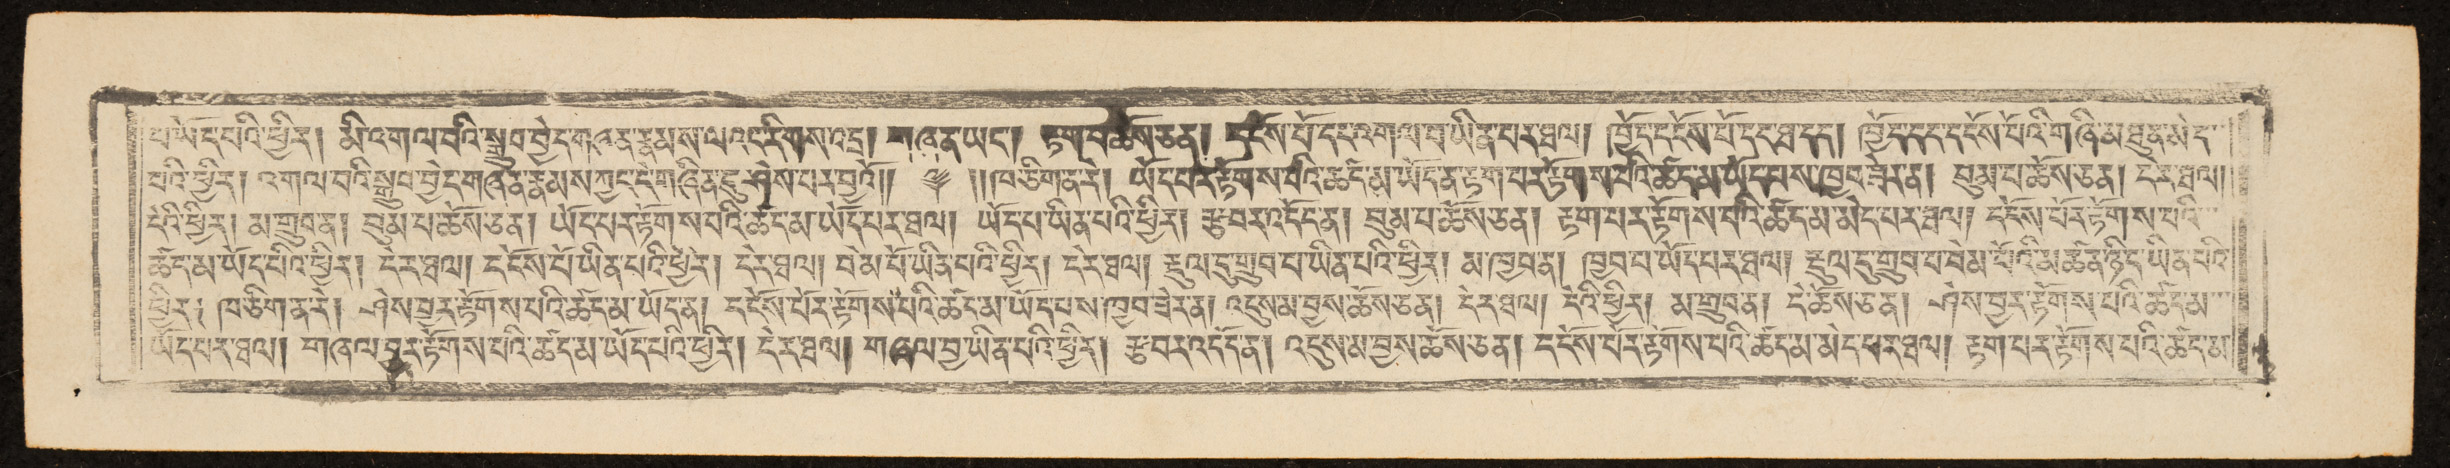པ་ཡོད་པའི་ཕྱིར། མི་འགལ་བའི་སྒྲུབ་བྱེད་གཞན་རྣམས་ལའང་རིགས་འདྲ། གཞན་ཡང་། རྟག་པ་ཆོས་ཅན། དངོས་པོ་དང་འགལ་བ་ཡིན་པར་ཐལ། ཁྱོད་དངོས་པོ་དང་ཐ་དད། ཁྱོད་དང་དངོས་པོའི་གཞི་མཐུན་མེད་
པའི་ཕྱིར། འགལ་བའི་སྒྲུབ་བྱེད་གཞན་རྣམས་ཀྱང་དེ་བཞིན་དུ་ཤེས་པར་བྱའོ།། ༈ །།ཁ་ཅིག་ན་རེ། ཡོད་པར་རྟོགས་པའི་ཚད་མ་ཡོད་ན་རྟག་པར་རྟོགས་པའི་ཚད་མ་ཡོད་པས་ཁྱབ་ཟེར་ན། བུམ་པ་ཆོས་ཅན། དེར་ཐལ།
དེའི་ཕྱིར། མ་གྲུབ་ན། བུམ་པ་ཆོས་ཅན། ཡོད་པར་རྟོགས་པའི་ཚད་མ་ཡོད་པར་ཐལ། ཡོད་པ་ཡིན་པའི་ཕྱིར། རྩ་བར་འདོད་ན། བུམ་པ་ཆོས་ཅན། རྟག་པར་རྟོགས་པའི་ཚད་མ་མེད་པར་ཐལ། དངོས་པོར་རྟོགས་པའི་
ཚད་མ་ཡོད་པའི་ཕྱིར། དེར་ཐལ། དངོས་པོ་ཡིན་པའི་ཕྱིར། དེར་ཐལ། བེམ་པོ་ཡིན་པའི་ཕྱིར། དེར་ཐལ། རྡུལ་དུ་གྲུབ་པ་ཡིན་པའི་ཕྱིར། མ་ཁྱབ་ན། ཁྱབ་པ་ཡོད་པར་ཐལ། རྡུལ་དུ་གྲུབ་པ་བེམ་པོའི་མཚན་ཉིད་ཡིན་པའི་
ཕྱིར། ཁ་ཅིག་ན་རེ། ཤེས་བྱར་རྟོགས་པའི་ཚད་མ་ཡོད་ན། དངོས་པོར་རྟོགས་པའི་ཚད་མ་ཡོད་པས་ཁྱབ་ཟེར་ན། འདུས་མ་བྱས་ཆོས་ཅན། དེར་ཐལ། དེའི་ཕྱིར། མ་གྲུབ་ན། དེ་ཆོས་ཅན། ཤེས་བྱར་རྟོགས་པའི་ཚད་མ་
ཡོད་པར་ཐལ། གཞལ་བྱར་རྟོགས་པའི་ཚད་མ་ཡོད་པའི་ཕྱིར། དེར་ཐལ། གཞལ་བྱ་ཡིན་པའི་ཕྱིར། རྩ་བར་འདོད་ན། འདུས་མ་བྱས་ཆོས་ཅན། དངོས་པོར་རྟོགས་པའི་ཚད་མ་མེད་པར་ཐལ། རྟག་པར་རྟོགས་པའི་ཚད་མ་